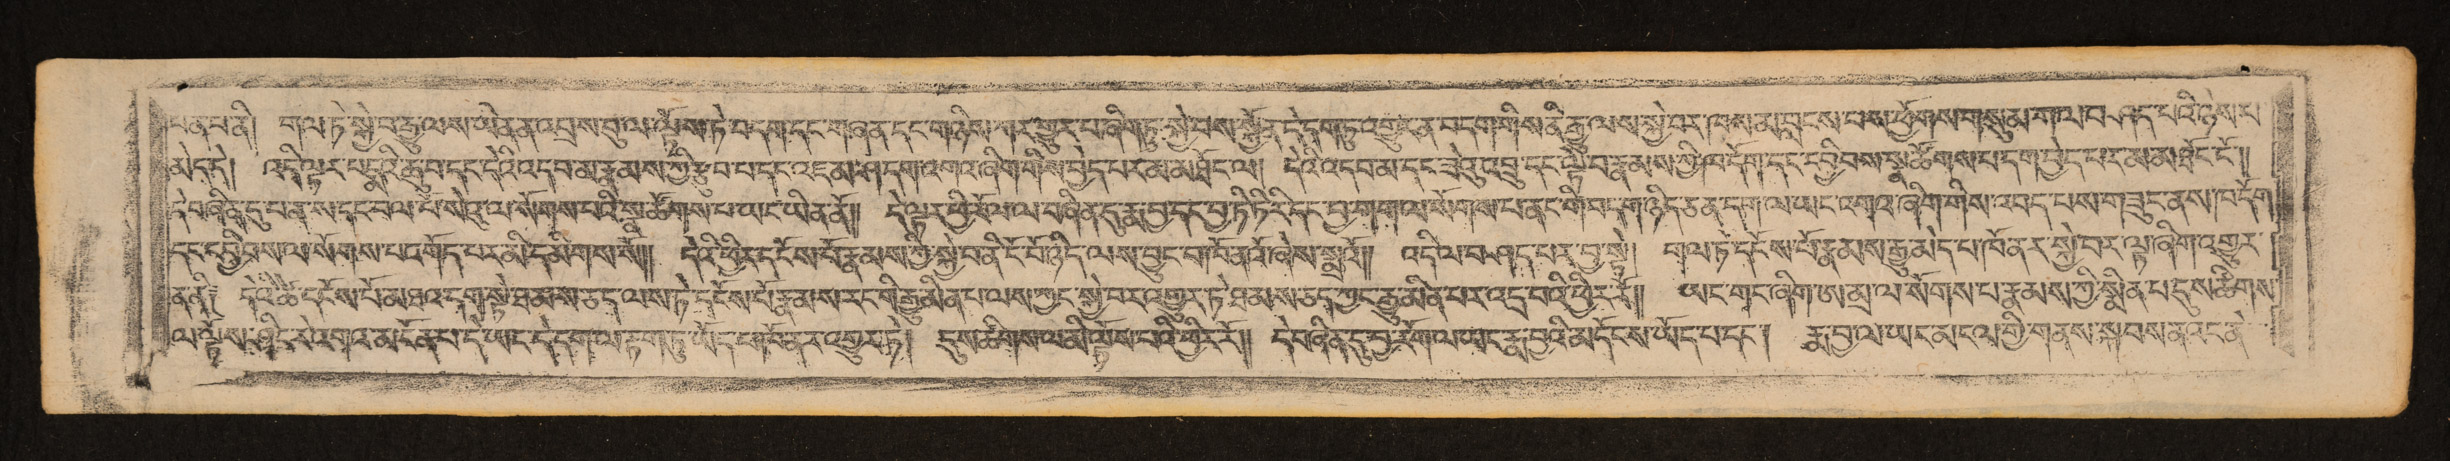ཕན་པ་ནི། གལ་ཏེ་སྐྱེ་བ་རྒྱུ་ལས་ཡིན་ན་འབྲས་བུ་ལ་ལྟོས་ཏེ་བདག་དང་གཞན་དང་གཉིས་ཀར་གྱུར་པ་ཞིག་ཏུ་སྐྱེ་བས་སྐྱོན་དེ་དག་ཏུ་འགྱུར་ན་བདག་གིས་ནི་རྒྱུ་ལས་སྐྱེ་བར་ཁས་མ་བླངས་པས་ཕྱོགས་གསུམ་ག་ལ་བཤད་པའི་ཉེས་པ་
མེད་དེ། འདི་ལྟར་པདྨའི་ཆུ་བ་དང་དེའི་འདབ་མ་རྣམས་ཀྱི་རྩུབ་པ་དང་འཇམ་ཤ་དག་འགའ་ཞིག་གིས་བྱེད་པར་མ་མཐོང་ལ། དེའི་འདབ་མ་དང་ཟེའུ་འབྲུ་དང་ལྟེ་བ་རྣམས་ཀྱི་ཁ་དོག་དང་དབྱིབས་སྣ་ཚོགས་པ་དག་བྱེད་པར་མ་མཐོང་ངོ།།
དེ་བཞིན་དུ་པ་ན་ས་དང་བལ་པོ་སེའུ་ལ་སོགས་པའི་སྣ་ཚོགས་པ་ཡང་ཡིན་ནོ།། དེ་ལྟར་ཕྱི་རོལ་ལ་བཞིན་དུ་རྨ་བྱ་དང་བྱ་ཏི་ཏི་རི་དང་བྱ་གག་ལ་སོགས་པ་ནང་གི་བདག་ཉིད་ཅན་དག་ལ་ཡང་འགའ་ཞིག་གིས་འབད་པས་གཟུང་ནས་ཁ་དོག་
དང་དབྱིབས་ལ་སོགས་པ་འགོད་པར་མི་དམིགས་སོ།། དེའི་ཕྱིར་དངོས་པོ་རྣམས་ཀྱི་སྐྱེ་བ་ནི་ངོ་བོ་ཉིད་ལས་བྱུང་བ་ཁོ་ནའོ་ཞེས་སྨྲའོ།། འདི་ལ་བཤད་པར་བྱ་སྟེ། གལ་ཏེ་དངོས་པོ་རྣམས་རྒྱུ་མེད་པ་ཁོ་ནར་སྐྱེ་བར་ལྟ་ཞིག་འགྱུར་
ན་ནི༑ དེའི་ཚེ་དངོས་པོ་མཐའ་དག་སྟེ་ཐམས་ཅད་ལས་ཏེ་དངོས་པོ་རྣམས་རང་གི་རྒྱུ་མིན་པ་ལས་ཀྱང་སྐྱེ་བར་འགྱུར་ཏེ་ཐམས་ཅད་ཀྱང་རྒྱུ་མིན་པར་འདྲ་བའི་ཕྱིར་རོ།། ཡང་གང་ཞིག་ཨ་མྲ་ལ་སོགས་པ་རྣམས་ཀྱི་སྨིན་པ་དུས་ཚིགས་
ལ་ལྟོས་ཤིང་རེ་འགའ་མངོན་པ་དེ་ཡང་དེ་དག་ལ་རྟག་ཏུ་ཡོད་པ་ཁོ་ནར་འགྱུར་ཏེ། དུས་ཚིགས་ལ་མི་ལྟོས་པའི་ཕྱིར་རོ།། དེ་བཞིན་དུ་བྱ་རོག་ལ་ཡང་རྨ་བྱའི་མདོངས་ཡོད་པ་དང་། རྨ་བྱ་ལ་ཡང་མངལ་གྱི་གནས་སྐབས་ནའང་ནེ་